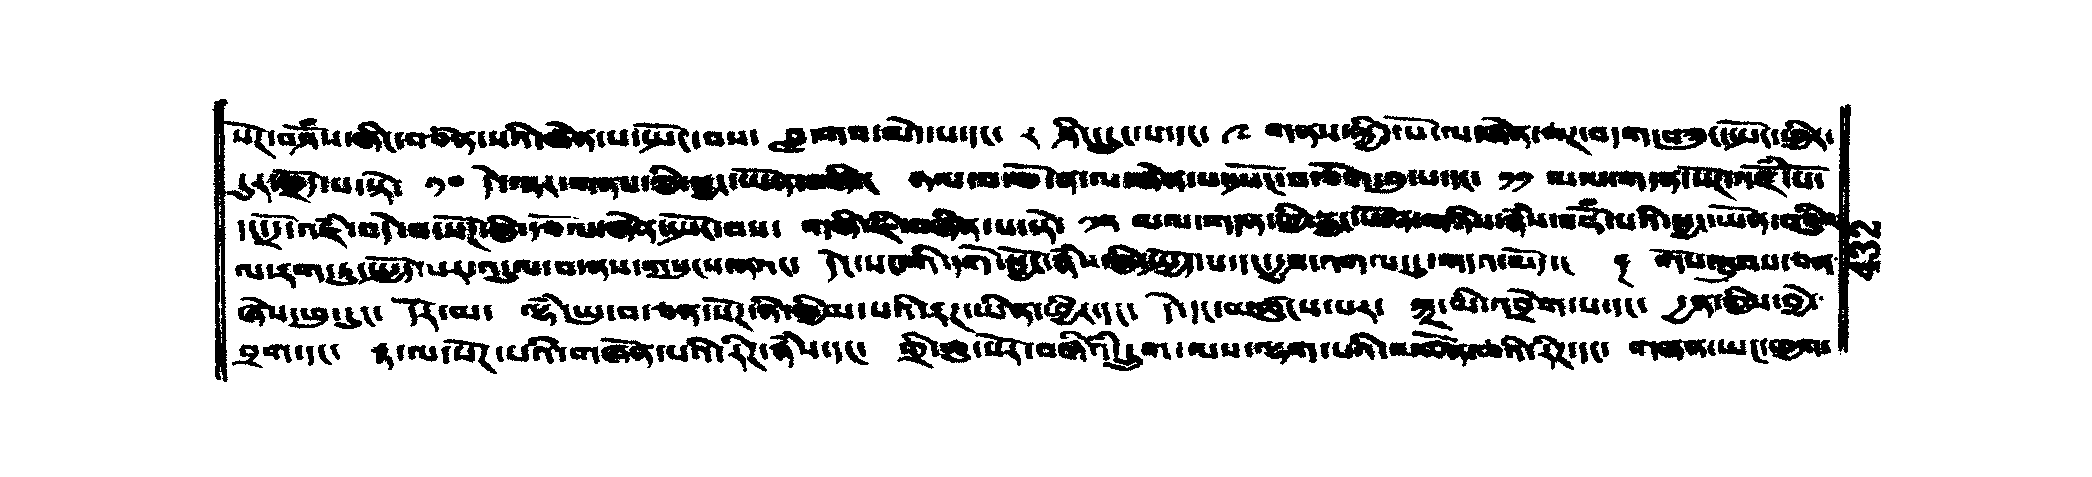སོགས་བཤོམས་ཞིང་བཙན་པའི་ཞེན་པ་སྤོང་བས། བླ་གབ་མེད་པ་དང་། ཤིང་དྲུང་པ་དང་། གནས་སྐྱིད་པོ་ལ་ཞེན་ཆགས་བདག་བཟུང་སྤོང་ཕྱིར་
དུར་ཁྲོད་པ་སྟེ། དེ་ལྟར་གནས་ཀྱི་སྦྱངས་ཡོན་བཞི། ཉལ་བ་ཁོ་ན་ལ་ཞེན་པ་སྤོང་ཙོག་བུ་པ་དང་། མལ་གདན་སོགས་འཇམ་པོ་
དང་དྲོ་འཇམ་བདེ་བ་སོགས་ཀྱི་རྩོལ་ཞེན་སྤོང་བས་གཞི་ཇི་བཞིན་པ་སྟེ། མལ་གདན་གྱི་སྦྱངས་ཡོན་གཉིས་རྣམས་བསྡོམ་པའི་སྦྱངས་ཡོན་བཅུ་གཉིས་
ལ་རྟག་ཏུ་སྤྱོད་པར་འདུལ་བ་ནས་གསུངས་ནའང་། དེང་སང་གི་དགེ་སྦྱོང་རྣམས་ཀྱི་སྤྱོད་པ་དང་རྒྱབ་འགལ་དུ་གདའ་མོད། གོས་སྦུབས་ཅན་
ཞེས་ཕུ་དུང་། དོར་མ། ལྷམ་ཡུ་བ་ཅན་སོགས་ནི་ཁྱིམ་པའི་རྟགས་ཡིན་ཕྱིར་དང་། དེ་དང་མཚུངས་པར། སྐྲ་མི་འབྲེག་པ་དང་། རྒྱན་གྱིས་བྱེ་
བྲག་དང་། རྟ་ལ་སོགས་པའི་གཞོན་པའི་རིགས་རྣམས་དང་། གྲི་ཆུང་སོར་བཞིའམ་དྲུག་ལས་ལྷག་པའི་མཚོན་ཆའི་རིགས་དང་། གཞན་ཡང་ཕྱག་